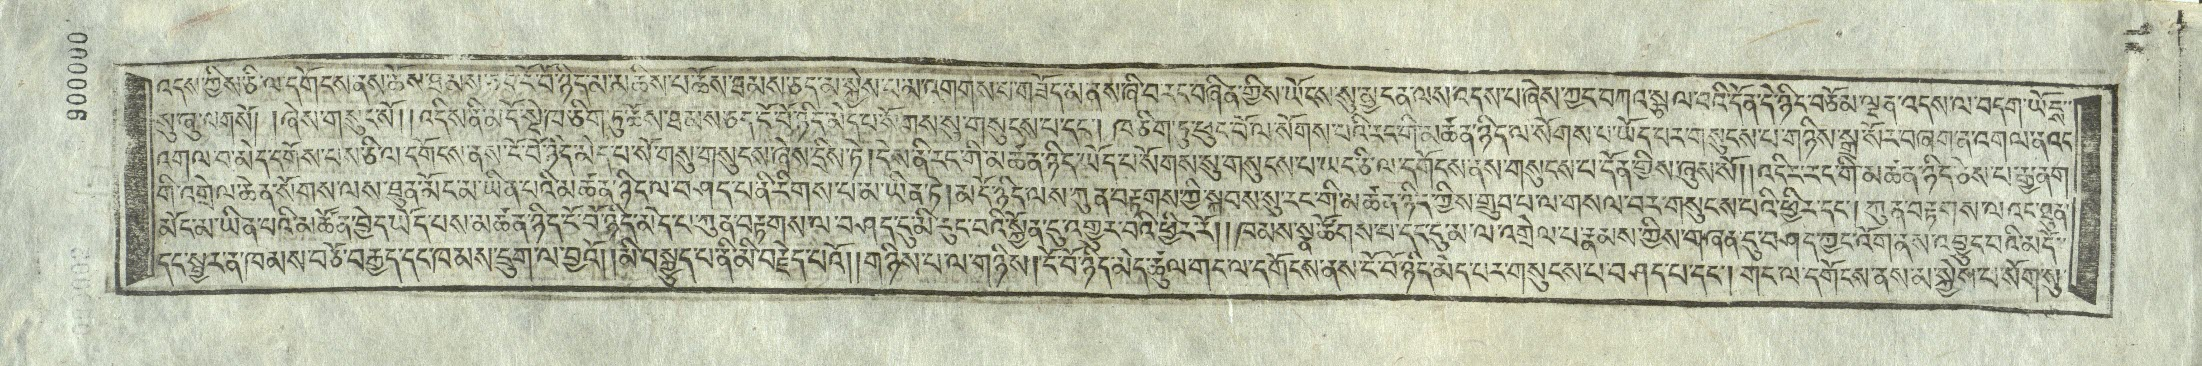འདས་ཀྱིས་ཅི་ལ་དགོངས་ནས་ཆོས་ཐམས་ཅད་ངོ་བོ་ཉིད་མ་མཆིས་པ་ཆོས་ཐམས་ཅད་མ་སྐྱེས་པ་མ་འགགས་པ་གཟོད་མ་ནས་ཞི་བ་རང་བཞིན་གྱིས་ཡོངས་སུ་མྱ་ངན་ལས་འདས་པ་ཞེས་ཀྱང་བཀའ་སྩལ་བའི་དོན་དེ་ཉིད་བཅོམ་ལྡན་འདས་ལ་བདག་ཡོངས་
སུ་ཞུ་ལགས་སོ། །ཞེས་གསུངས་སོ། །འདིས་ནི་མདོ་སྡེ་ཁ་ཅིག་ཏུ་ཆོས་ཐམས་ཅད་ངོ་བོ་ཉིད་མེད་པ་སོགས་སུ་གསུངས་པ་དང་། ཁ་ཅིག་ཏུ་ཕུང་པོ་ལ་སོགས་པའི་རང་གི་མཚན་ཉིད་ལ་སོགས་པ་ཡོད་པར་གསུངས་པ་གཉིས་སྒྲ་སོར་བཞག་ན་འགལ་ནའང་
འགལ་བ་མེད་དགོས་པས་ཅི་ལ་དགོངས་ནས་ངོ་བོ་ཉིད་མེད་པ་སོགས་སུ་གསུངས་ཞེས་དྲིས་ཏེ། དེས་ནི་རང་གི་མཚན་ཉིད་ཡོད་པ་སོགས་སུ་གསུངས་པ་ཡང་ཅི་ལ་དགོངས་ནས་གསུངས་པ་དོན་གྱིས་ཞུས་སོ། །འདིར་རང་གི་མཚན་ཉིད་ཅེས་པ་རྒྱ་ནག་
གི་འགྲེལ་ཆེན་སོགས་ལས་ཐུན་མོང་མ་ཡིན་པའི་མཚན་ཉིད་ལ་བཤད་པ་ནི་རིགས་པ་མ་ཡིན་ཏེ། མདོ་ཉིད་ལས་ཀུན་བརྟགས་ཀྱི་སྐབས་སུ་རང་གི་མཚན་ཉིད་གྱིས་གྲུབ་པ་ལ་གསལ་བར་གསུངས་པའི་ཕྱིར་དང་། ཀུན་བརྟགས་ལའང་ཐུན་
མོང་མ་ཡིན་པའི་མཚོན་?་བྱེད་ཡོད་པས་མཚན་ཉིད་ངོ་བོ་ཉིད་མེད་པ་ཀུན་བརྟགས་ལ་བཤད་དུ་མི་རུང་བའི་སྐྱོན་དུ་འགྱུར་བའི་ཕྱིར་རོ། །ཁམས་སྣ་ཚོགས་པ་དང་དུ་མ་ལ་འགྲེལ་པ་རྣམས་ཀྱིས་གཞན་དུ་བཤད་ཀྱང་འོག་ནས་འབྱུང་བའི་མདོ་
དང་སྦྱར་ན་ཁམས་བཅོ་བརྒྱད་དང་ཁམས་དྲུག་ལ་བྱའོ། །མི་བསྐྱུད་པ་ནི་མི་བརྗེད་པའོ། །གཉིས་པ་ལ་གཉིས། ངོ་བོ་ཉིད་མེད་ཚུལ་གང་ལ་དགོངས་ནས་ངོ་བོ་ཉིད་མེད་པར་གསུངས་པ་བཤད་པ་དང་། གང་ལ་དགོངས་ནས་མ་སྐྱེས་པ་སོགས་སུ་